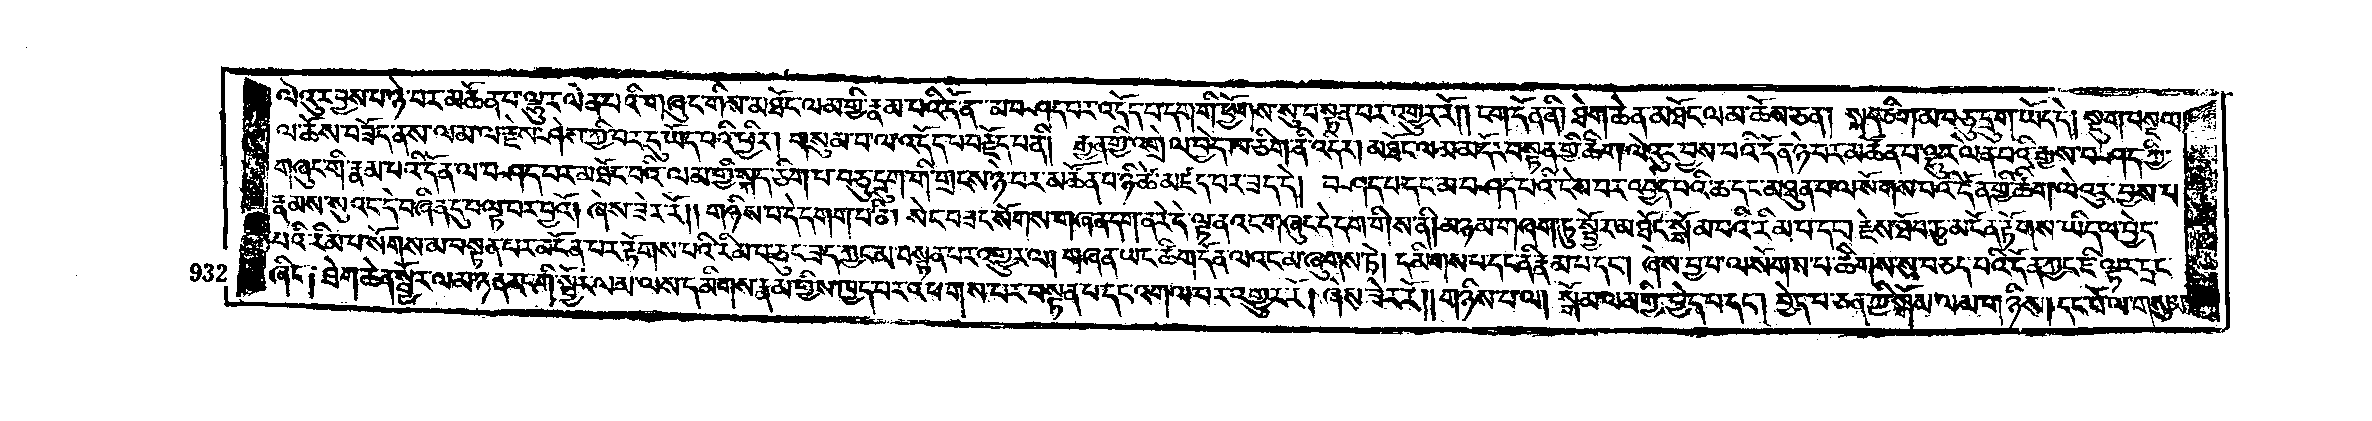ལེའུར་བྱས་པ་ཉེ་བར་མཚོན་པ་ལྷུར་ལེན་པའི་གཞུང་གིས་མཐོང་ལམ་གྱི་རྣམ་པའི་དོན་མ་བཤད་པར་འདོད་པ་དག་གི་ཕྱོགས་སུ་བསྟན་པར་འགྱུར་རོ། །ངག་དོན་ནི། ཐེག་ཆེན་མཐོང་ལམ་ཆོས་ཅན། སྐད་ཅིག་མ་བཅུ་དྲུག་ཡོད་དེ། སྡུག་བསྔལ་
ལ་ཆོས་བཟོད་ནས་ལམ་ལ་རྗེས་ཤེས་ཀྱི་བར་དུ་ཡོད་པའི་ཕྱིར། གསུམ་པ་ལ་འདོད་པ་བརྗོད་པ་ནི། རྒྱན་གྱི་འགྲེལ་བྱེད་ཁ་ཅིག་ནི་འདིར། མཐོང་ལམ་མདོར་བསྟན་གྱི་ཚིག་ལེའུར་བྱས་པའི་དོན་ཉེ་བར་མཚོན་པ་ལྷུར་ལེན་པའི་རྒྱས་བཤད་ཀྱི་
གཞུང་གི་རྣམ་པའི་དོན་ལ་བཤད་པར་མཐོང་བའི་ལམ་གྱི་སྐད་ཅིག་པ་བཅུ་དྲུག་གི་གྲངས་ཉེ་བར་མཚོན་པ་ཉི་ཚེ་མཛད་པར་ཟད་དེ། བཤད་པ་དང་མ་བཤད་པའི་ངེས་པར་འབྱེད་པའི་ཆ་དང་མཐུན་པ་ལ་སོགས་པའི་དོན་གྱི་ཚིག་ལེའུར་བྱས་པ་
རྣམས་སུའང་དེ་བཞིན་དུ་བལྟ་བར་བྱའོ། ཞེས་ཟེར་རོ། །གཉིས་པ་དེ་དགག་པ་ནི། སེང་བཟང་སོགས་གཞན་དག་ན་རེ་དེ་ལྟ་ནའང་གཞུང་དེ་དག་གིས་ནི། མཉམ་གཞག་ཏུ་སྦྱོར་མཐོང་སྒོམ་པའི་རིམ་པ་དང་། རྗེས་ཐོབ་ཏུ་མངོན་རྟོགས་ཡིད་ལ་བྱེད་
པའི་རིམ་པ་སོགས་མ་བསྟན་པར་མངོན་པར་རྟོགས་པའི་རིམ་པ་ཅུང་ཟད་ཀྱང་མ་བསྟན་པར་འགྱུར་ལ། གཞན་ཡང་ཚིག་དོན་ལའང་མ་ཞུགས་ཏེ། དམིགས་པ་དང་ནི་རྣམ་པ་དང་། ཞེས་བྱ་བ་ལ་སོགས་པ་ཚིགས་སུ་བཅད་པའི་དོན་ཀྱང་ཇི་ལྟར་དྲང་
ཞིང༑ ཐེག་ཆེན་སྦྱོར་ལམ་ཉན་རང་གི་སྦྱོར་ལམ་ལས་དམིགས་རྣམ་གྱིས་ཁྱད་པར་འཕགས་པར་བསྟན་པ་དང་འགལ་བར་འགྱུར་རོ། ཞེས་ཟེར་རོ། །གཉིས་པ་ལ། སྒོམ་ལམ་གྱི་བྱེད་པ་དང་། བྱེད་པ་ཅན་གྱི་སྒོམ་ལམ་གཉིས། དང་པོ་ལ་གསུམ་